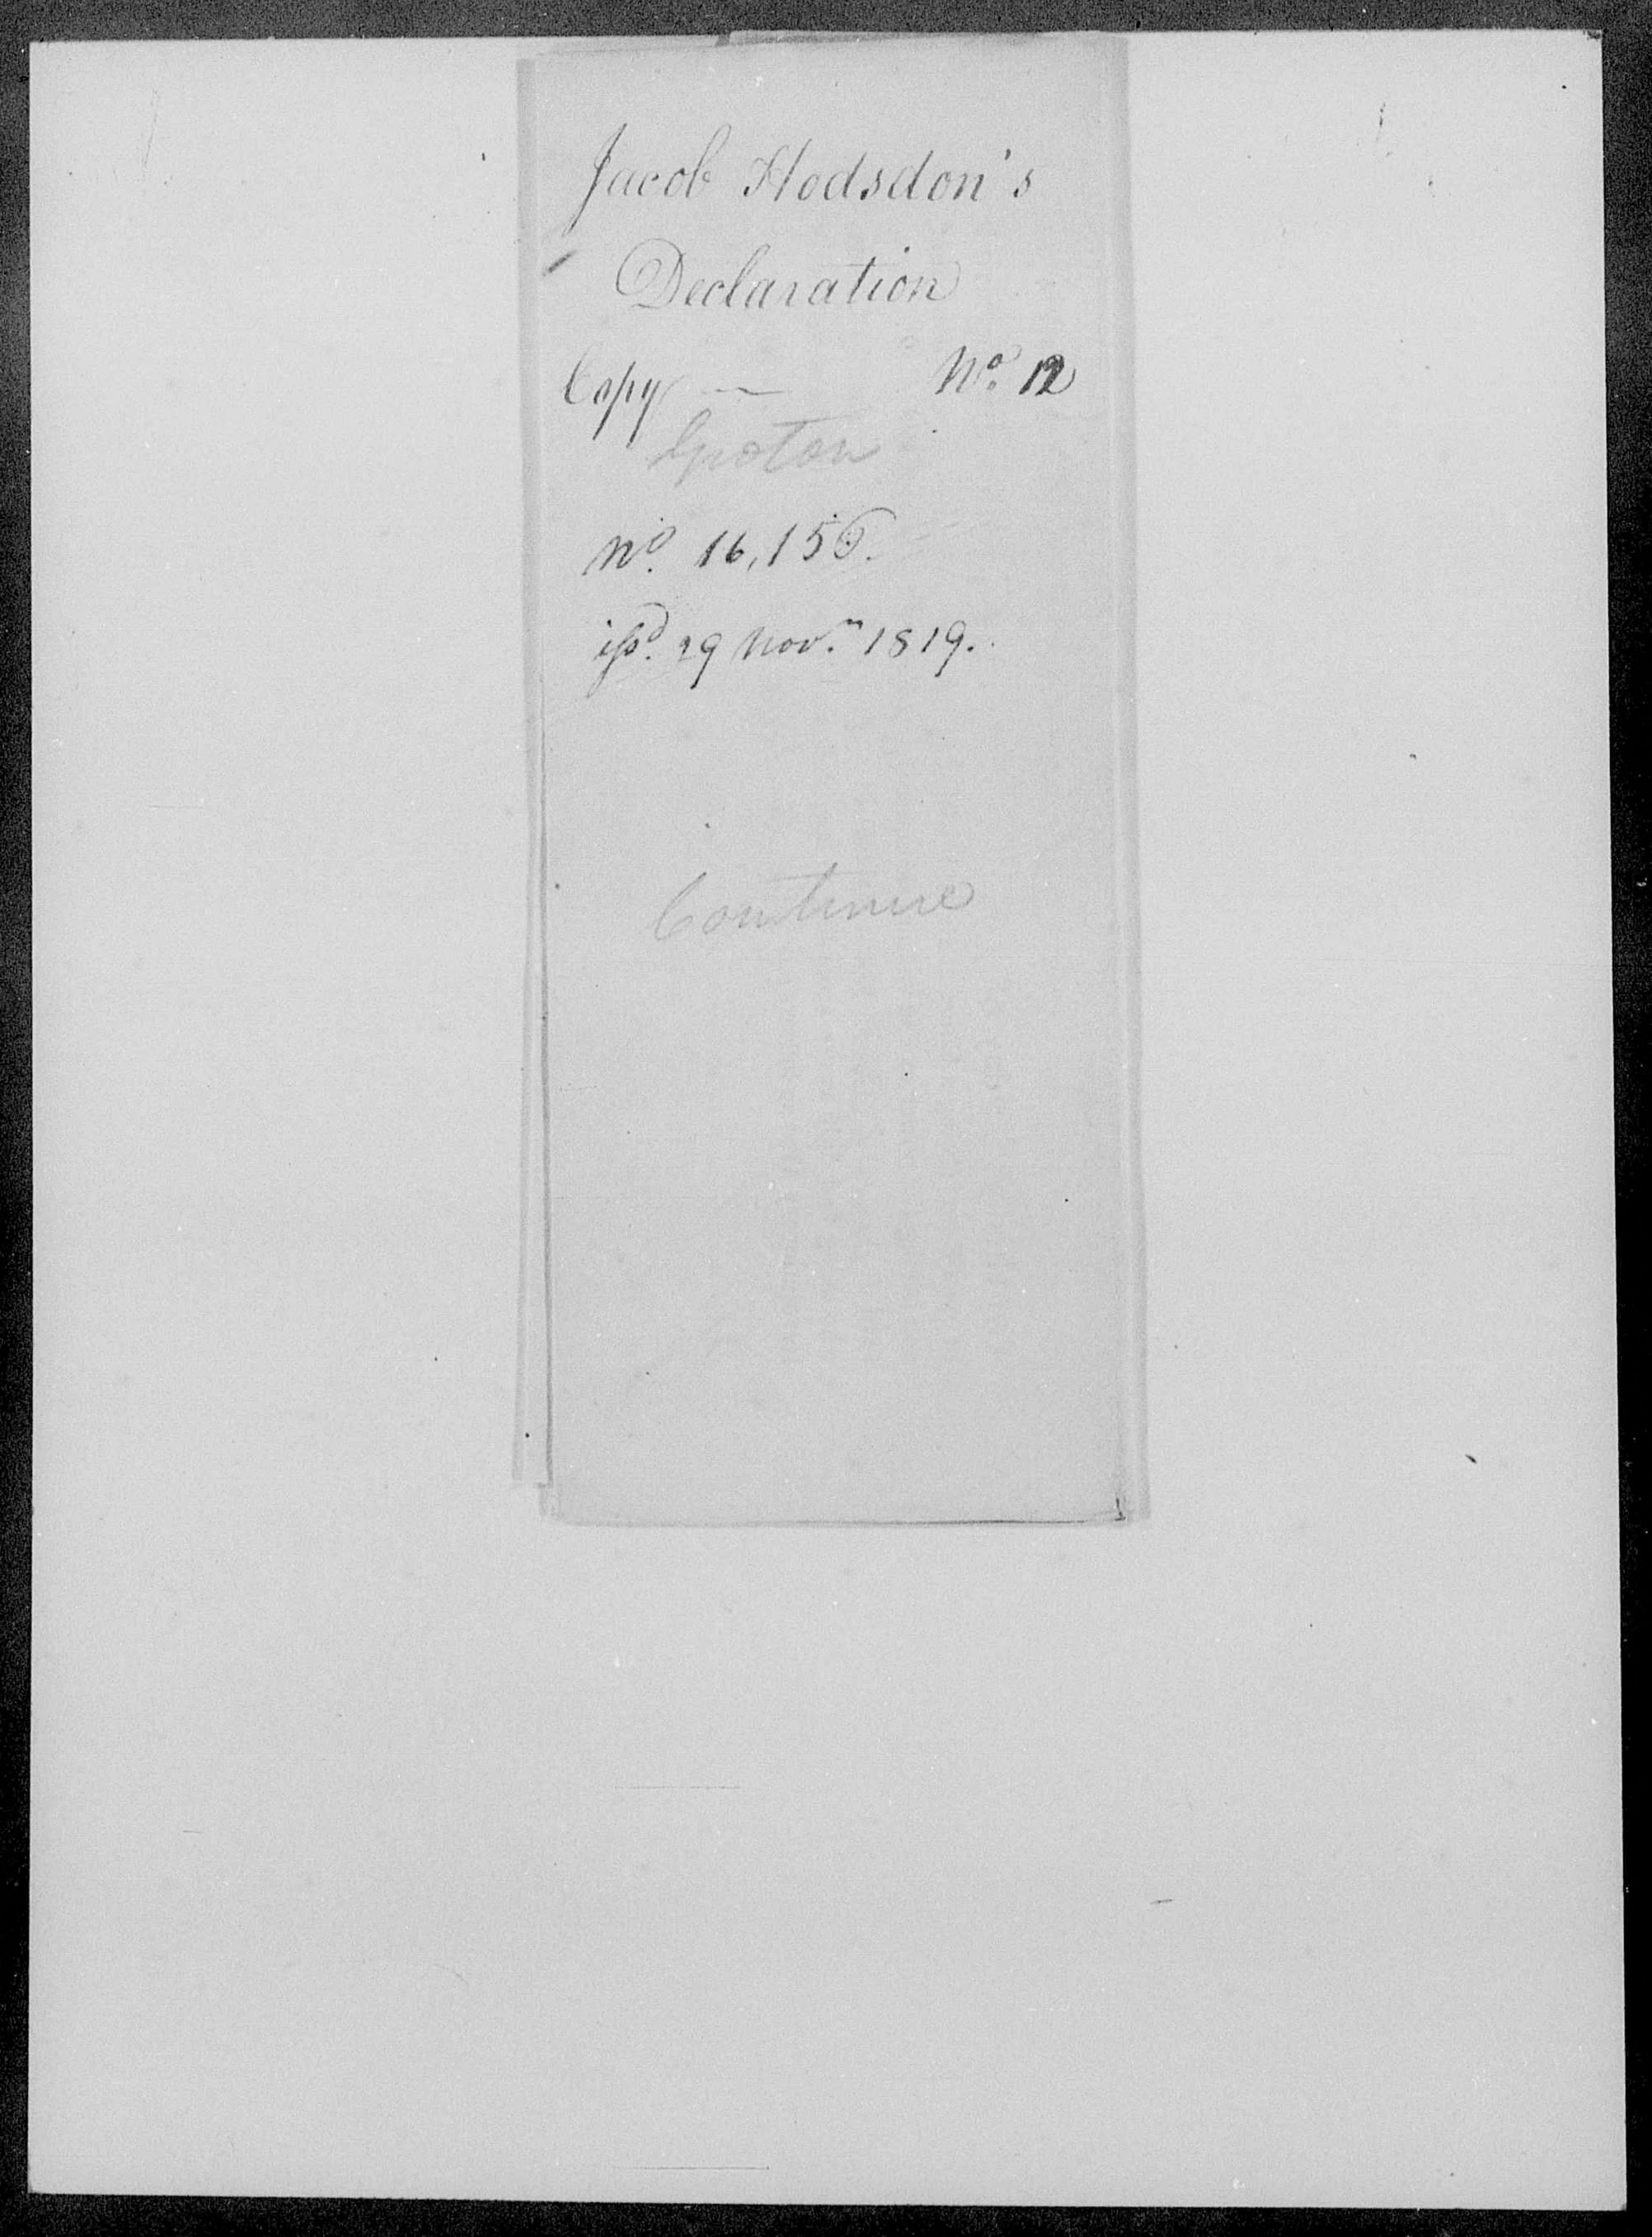Jacob Hodsdon's 
Declaration
Copy - No. 12
Groton
No. 16,156.
issd. 19 Nov. 1819
Continue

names: Jacob Hodsdon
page: 5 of 22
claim: survivor's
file: S 44445, Jacob Hodsdon, Mass.